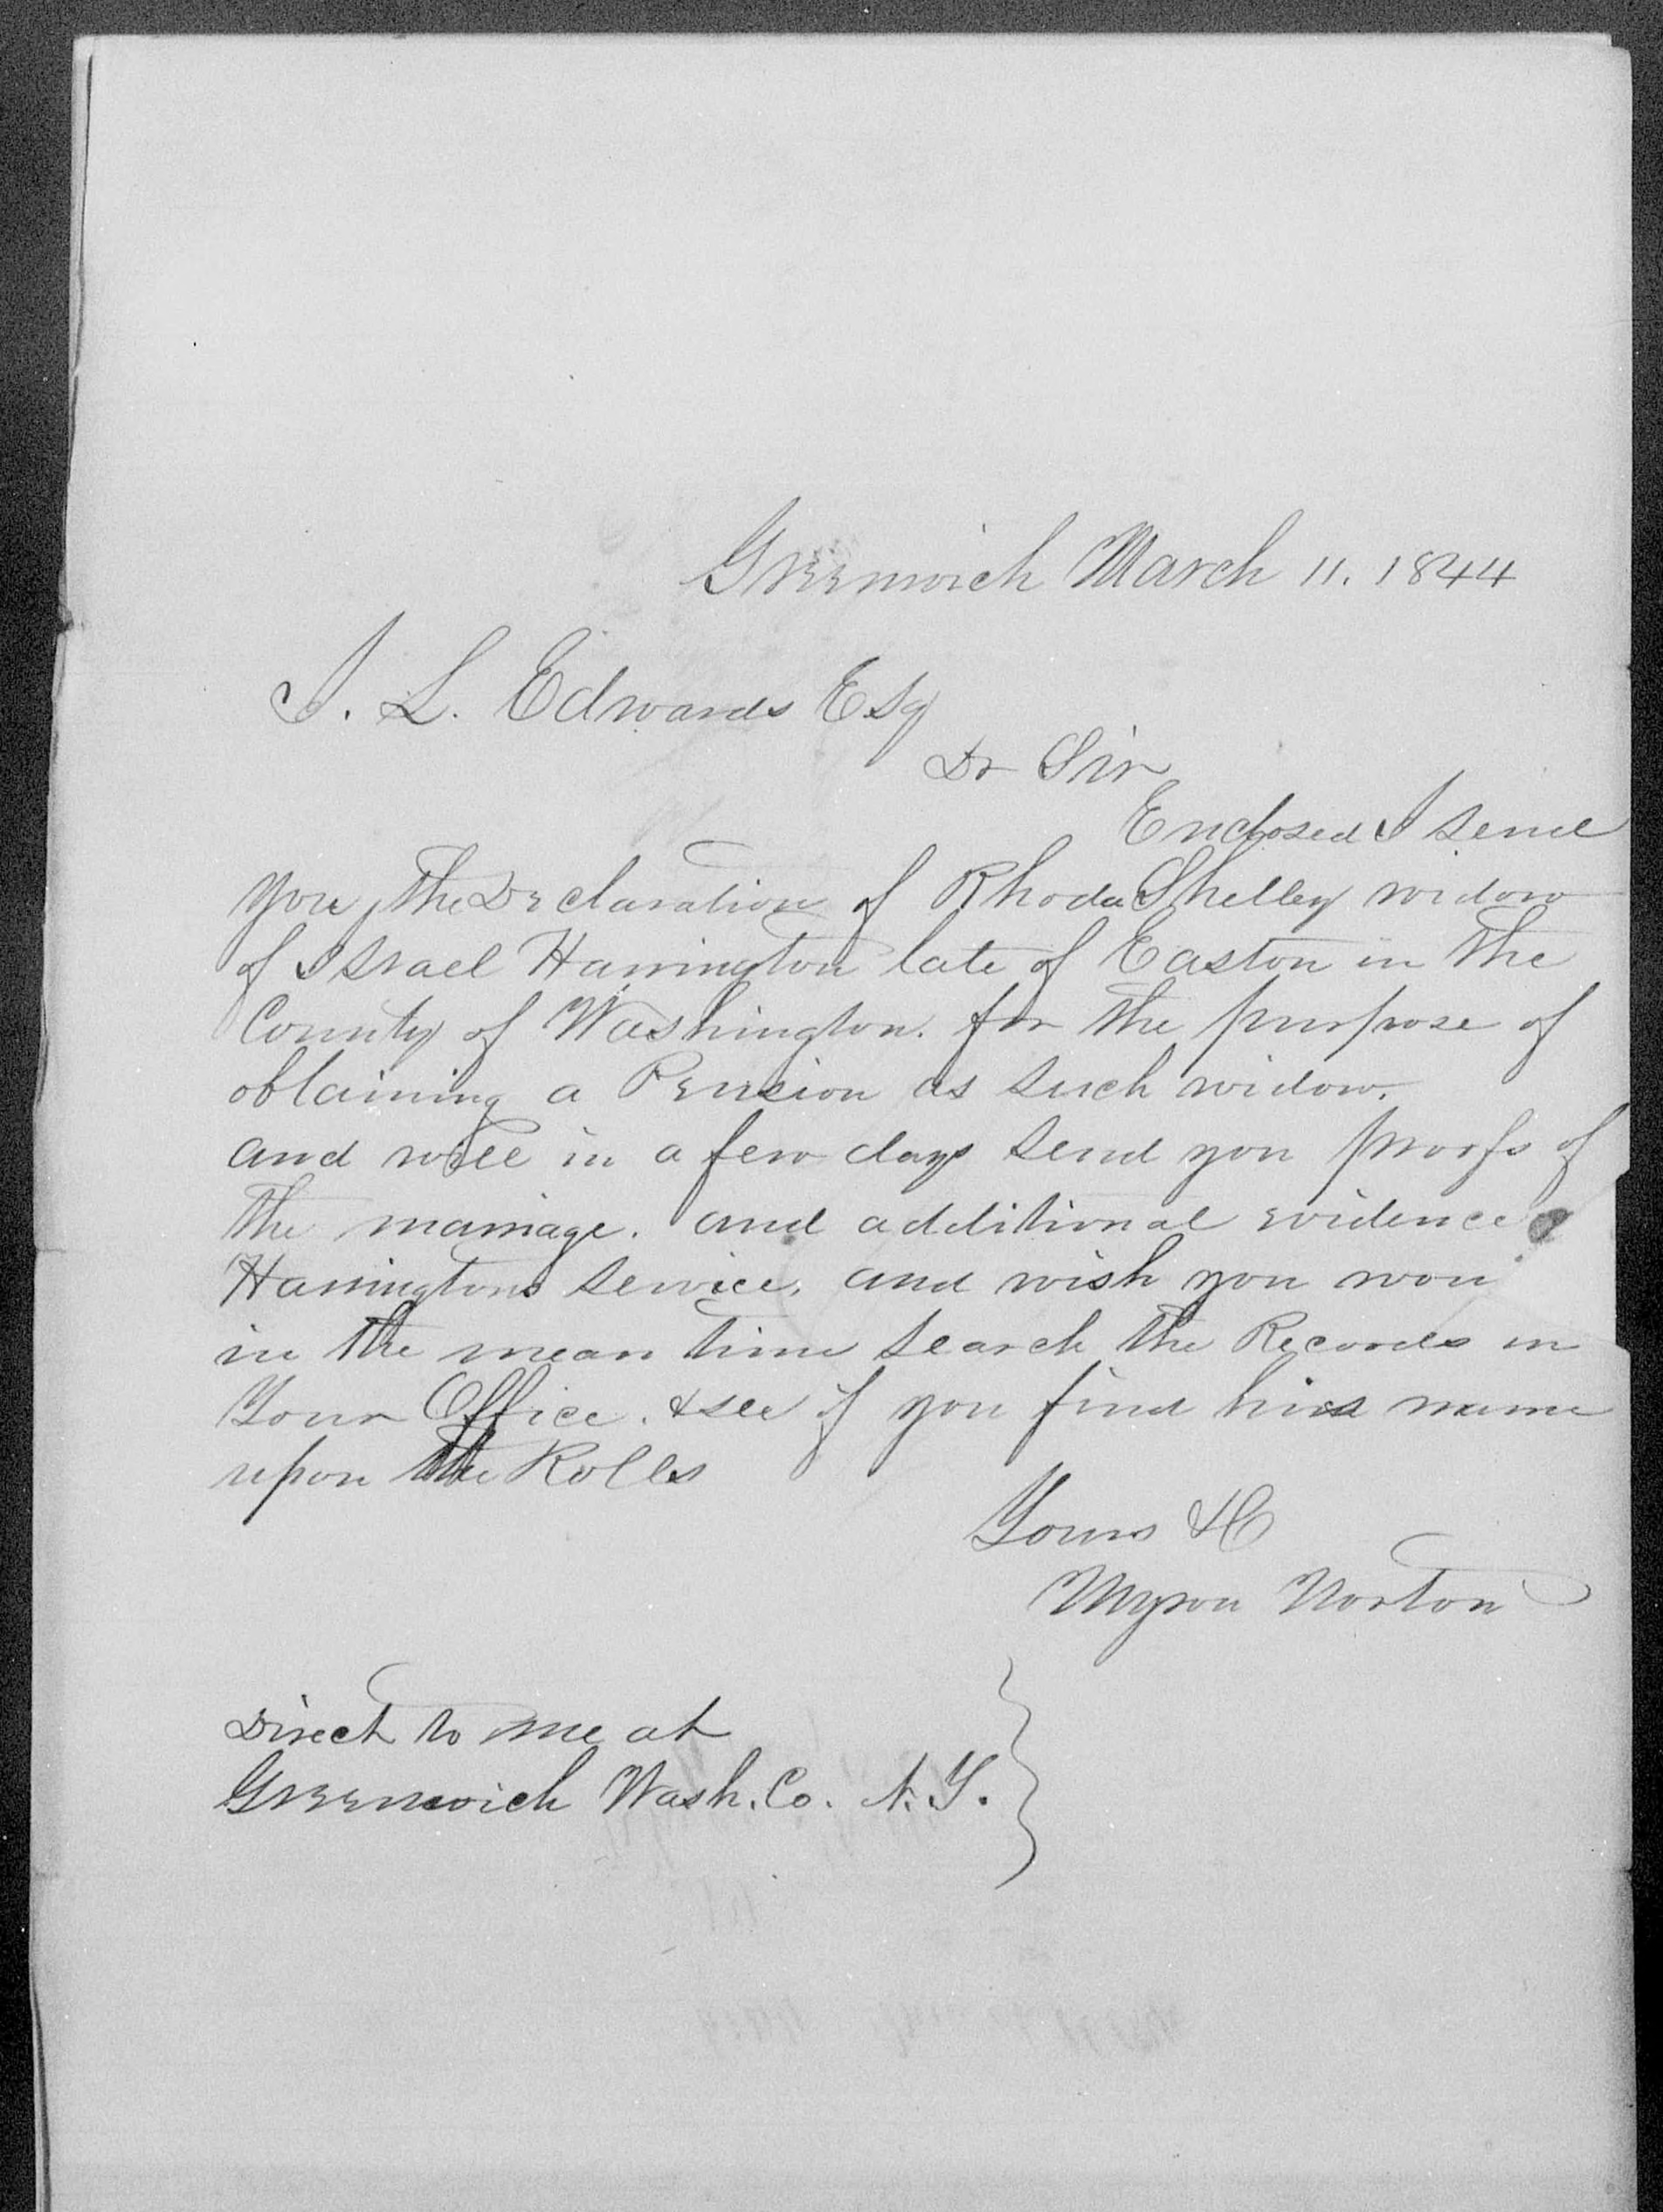Greenwich March 11, 1844

J.L. Edwards Esq

Dr Sir
Enclosed I send you the Declaration of Rhoda Shelley widow of Israel Harrington late of Easton in the County of Washington for the purpose of obtaining a Pension as such widow, and will in a few days send you proofs of the marriage, and additional Evidence of Harrington's service, and wish you would in the mean time search the Records in Your Office & see if you find his name upon the Rolls

Yours &C
Myron Norton

Direct to me at Greenwich Wash. Co. N.Y.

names: Israel Harrington, Myron Norton, Rhoda Shelley, Harrington, J L Edwards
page: 29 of 51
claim: widow's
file: W. 19,026, Israel Harrington, R.I.